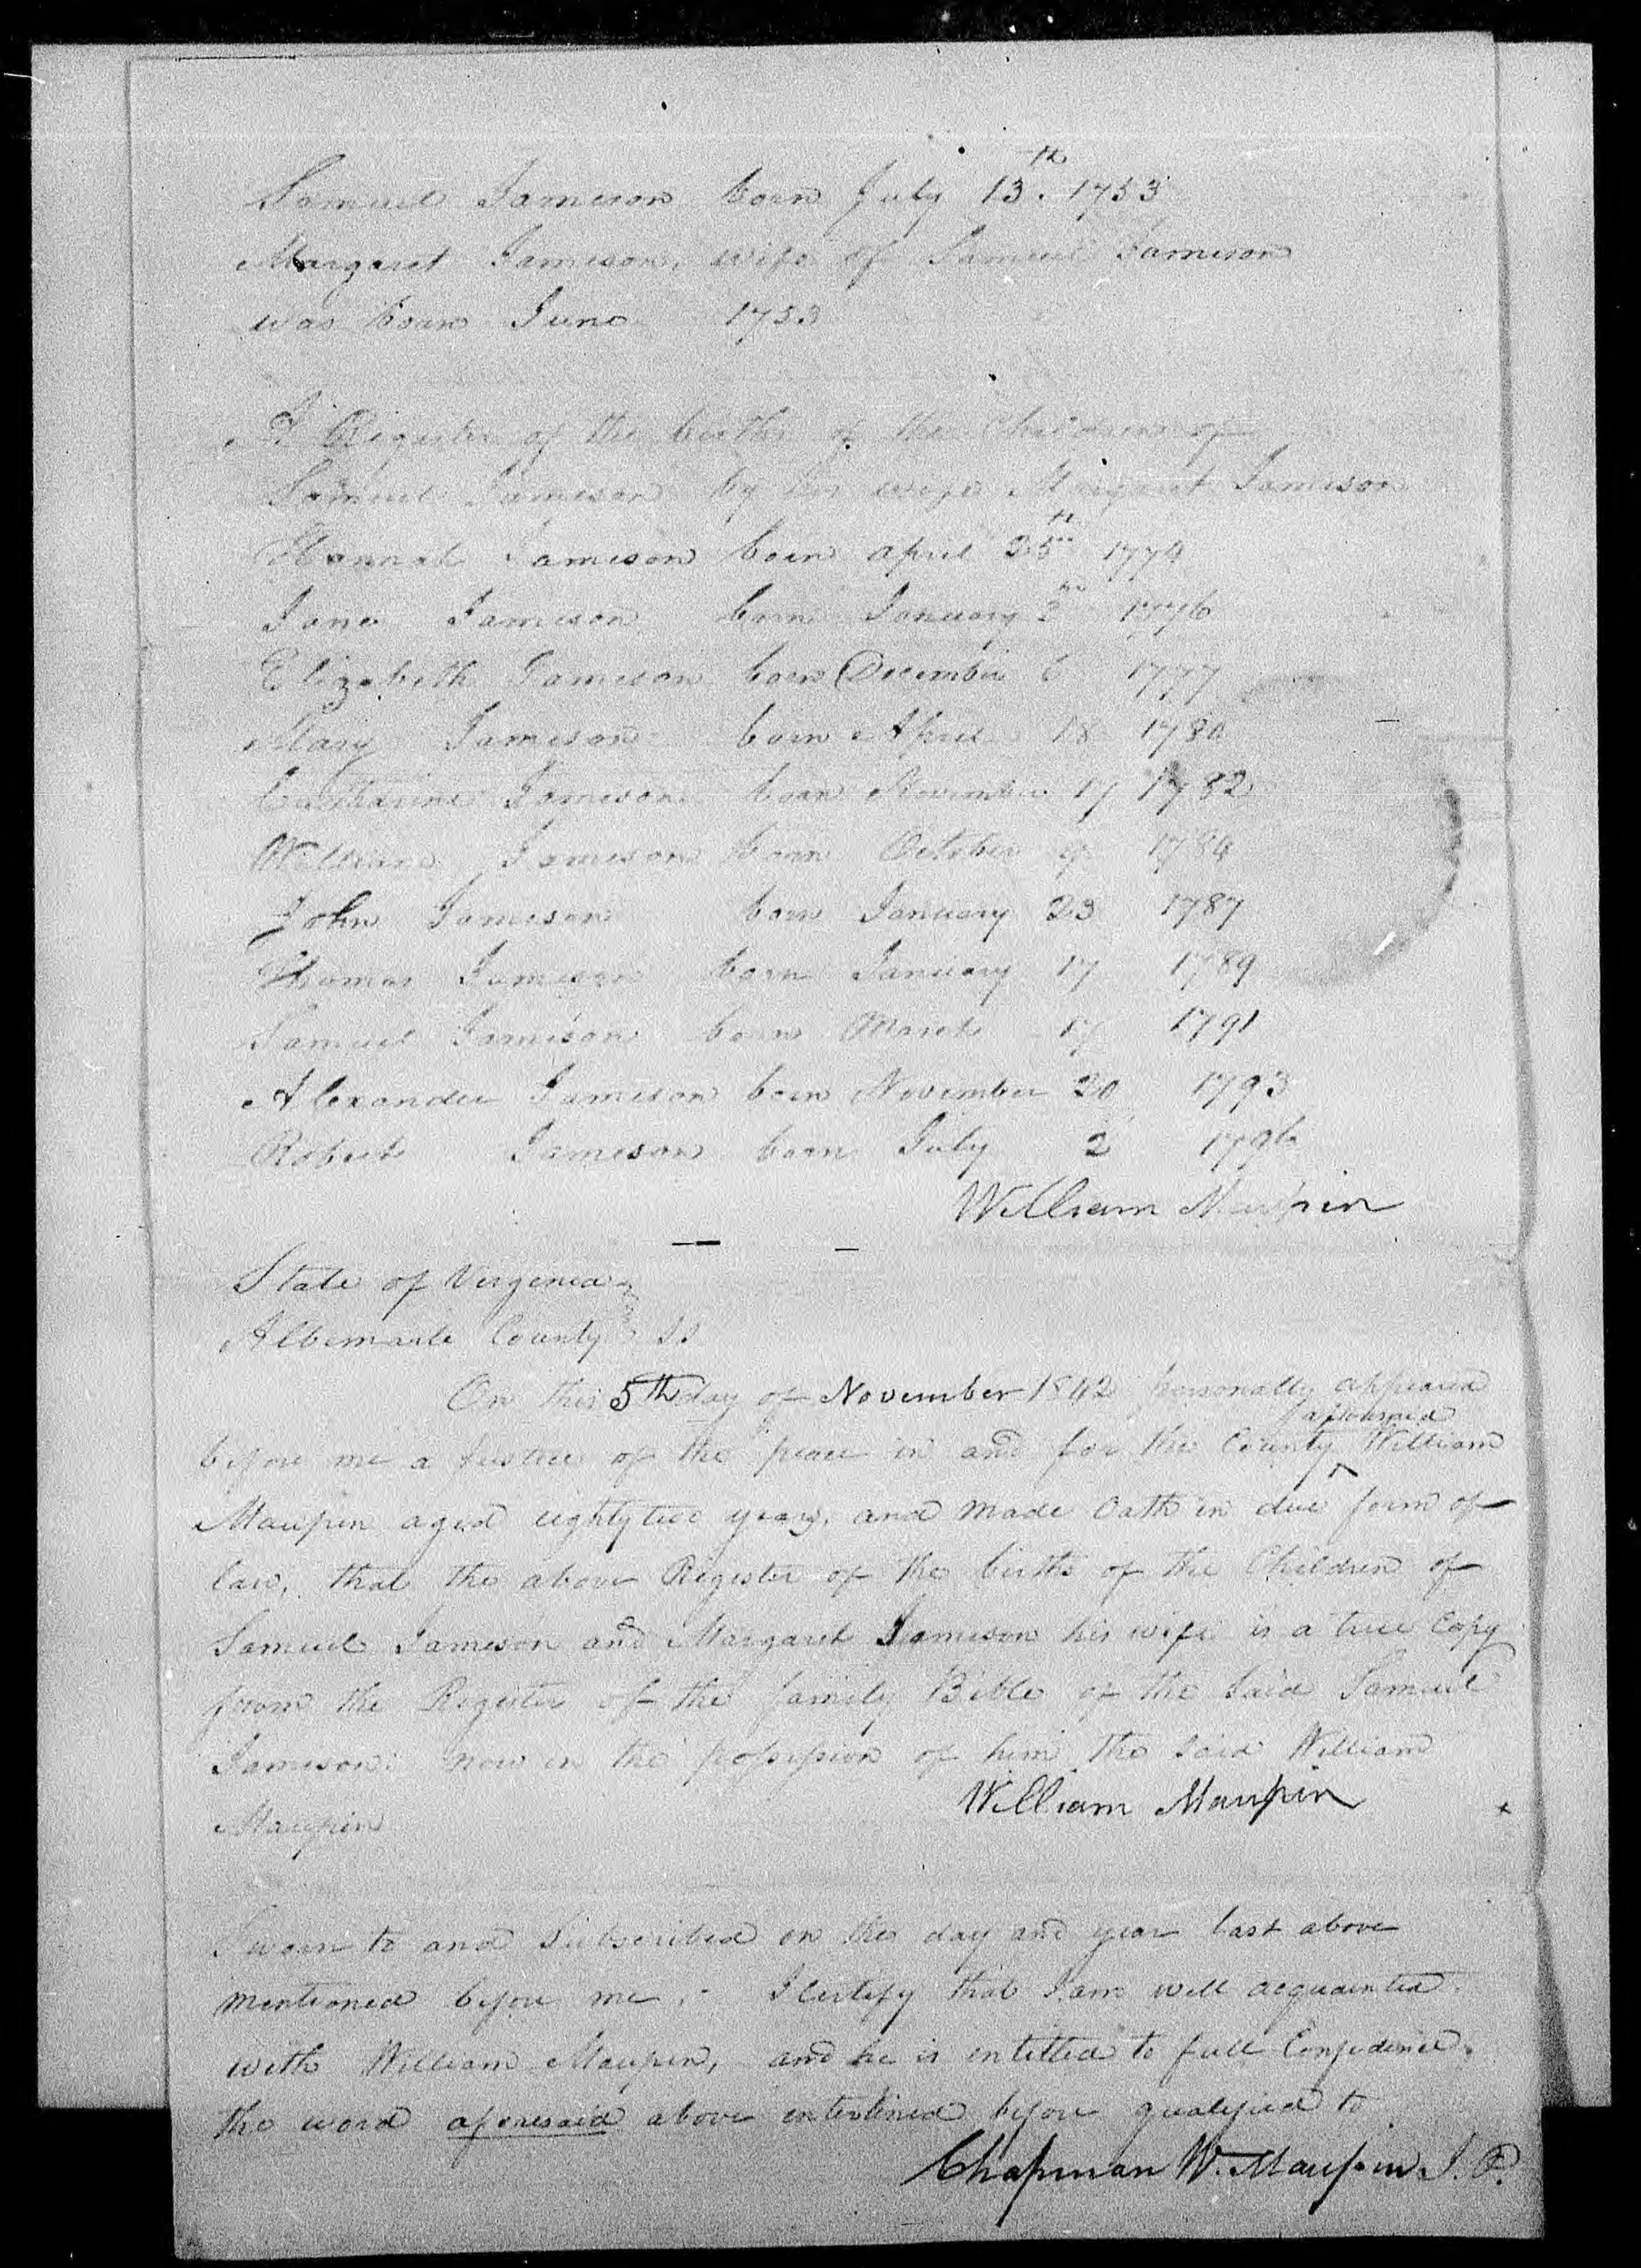Samuel Jameson born July 13th, 1753
Margaret Jameson, wife of Samuel Jameson
was born June, 1753

A Registry of the births of the children of
Samuel Jameson by his wife Margaret Jameson
Hannah Jameson born April 25th 1774
Jane Jameson born January 3rd 1776
Elizabeth Jameson born December 6, 1777
Mary Jameson born April 18, 1780
Catherine Jameson born November 17, 1782
William Jameson born October 9 1784
John Jameson born January 23 1787
Thomas Jameson born January 17 1789
Samuel Jameson born March 17 1791
Alexander Jameson born November 20 1793
Robert Jameson born July 2 1796
William Maupin

State of Virginia
Albermarle County}ss.
   On the 5th day of November 1842 personally appeared
 before me a Justice of the peace in and for the County aforesaid, William
Maupin aged eighty two years, and made oath in due form of
law, that the above Register of the births of the Children of
Samuel Jameson and Margaret Jameson his wife is a true copy
from the Register of the family Bible of the said Samuel
Jameson now in the possession of him the said William
Maupin
William Maupin

Sworn to and Subscribed on the day and year last above
mentioned before me.  I certify that I am well acquainted
with William Maupin, and he is entitled to full confidence
the word aforesaid above entitled before qualified to.
Chapman W. Maupin J.P.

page: 3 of 28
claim: widow's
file: W. 5112, for Samuel Jamieson, Virginia